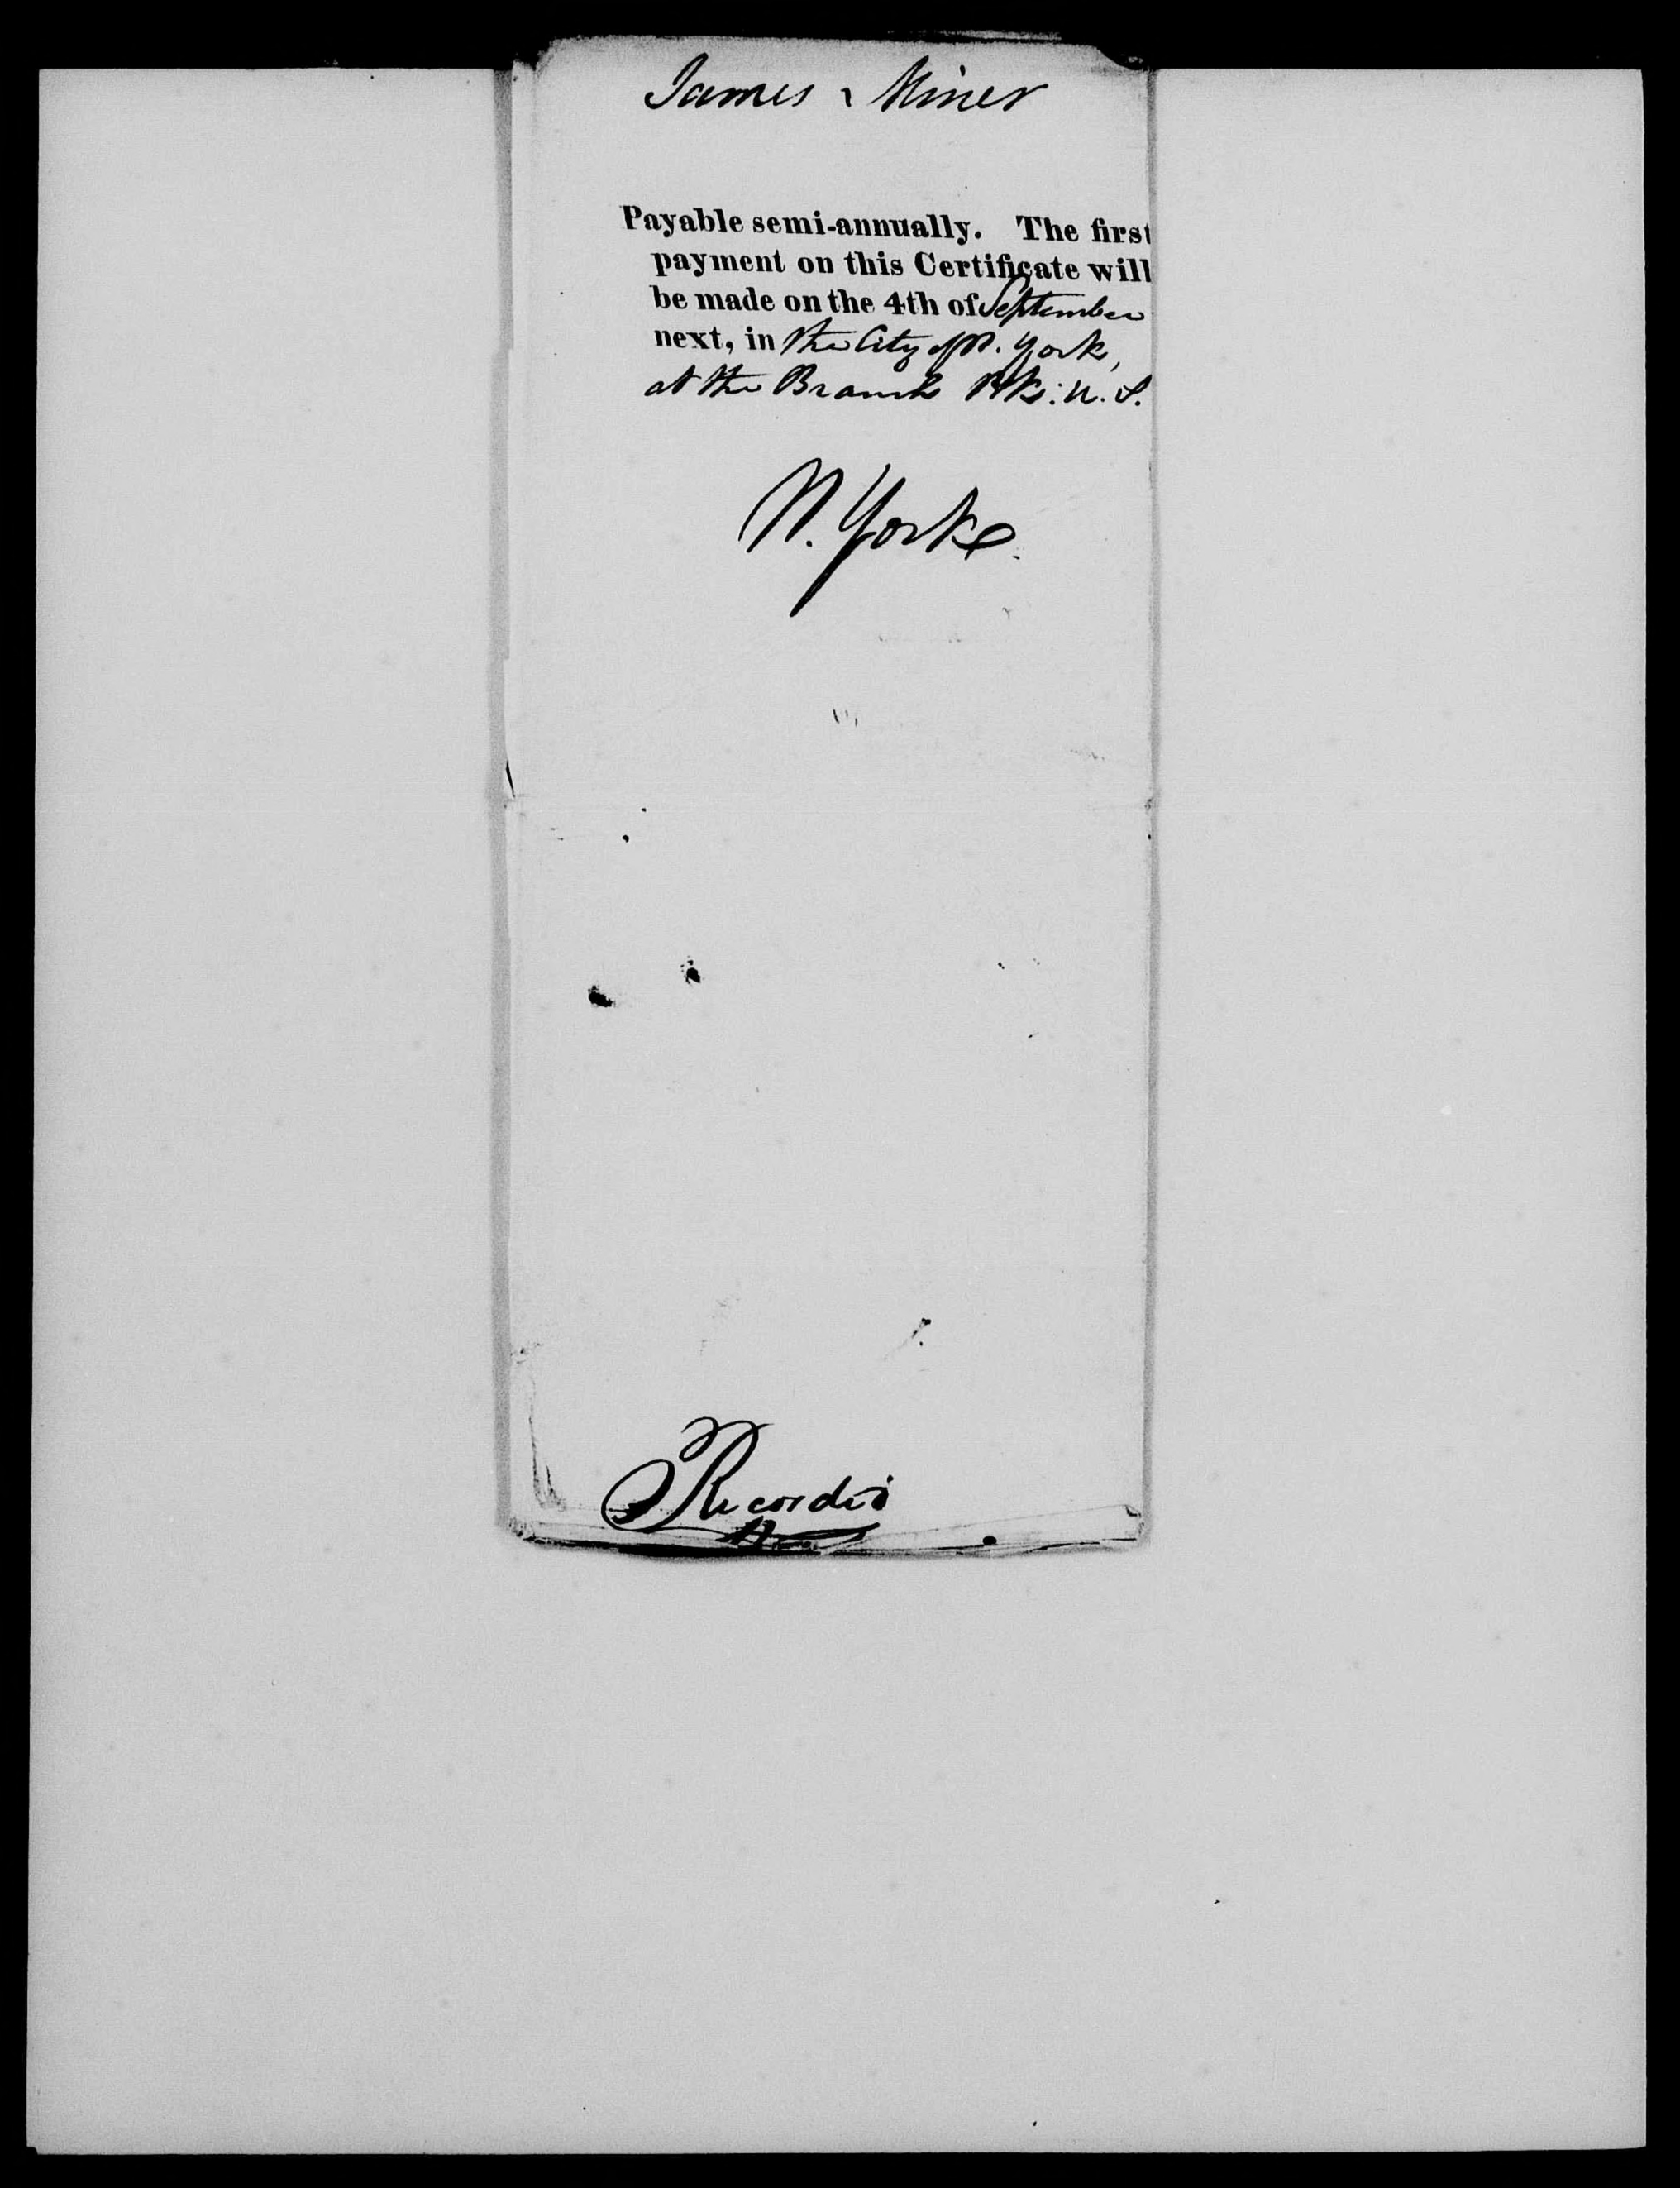[handwritten James Miner] 

Payable semi-annually. The first payment on this Certificate will be made on the 4th of [handwritten September] next, in [handwritten the City of N. York at the Branch W.N.S.] 

[handwritten N. York] 

[handwritten Recorded}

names: James Miner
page: 21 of 39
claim: survivor's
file: S. 23802, for James Miner, Connecticut